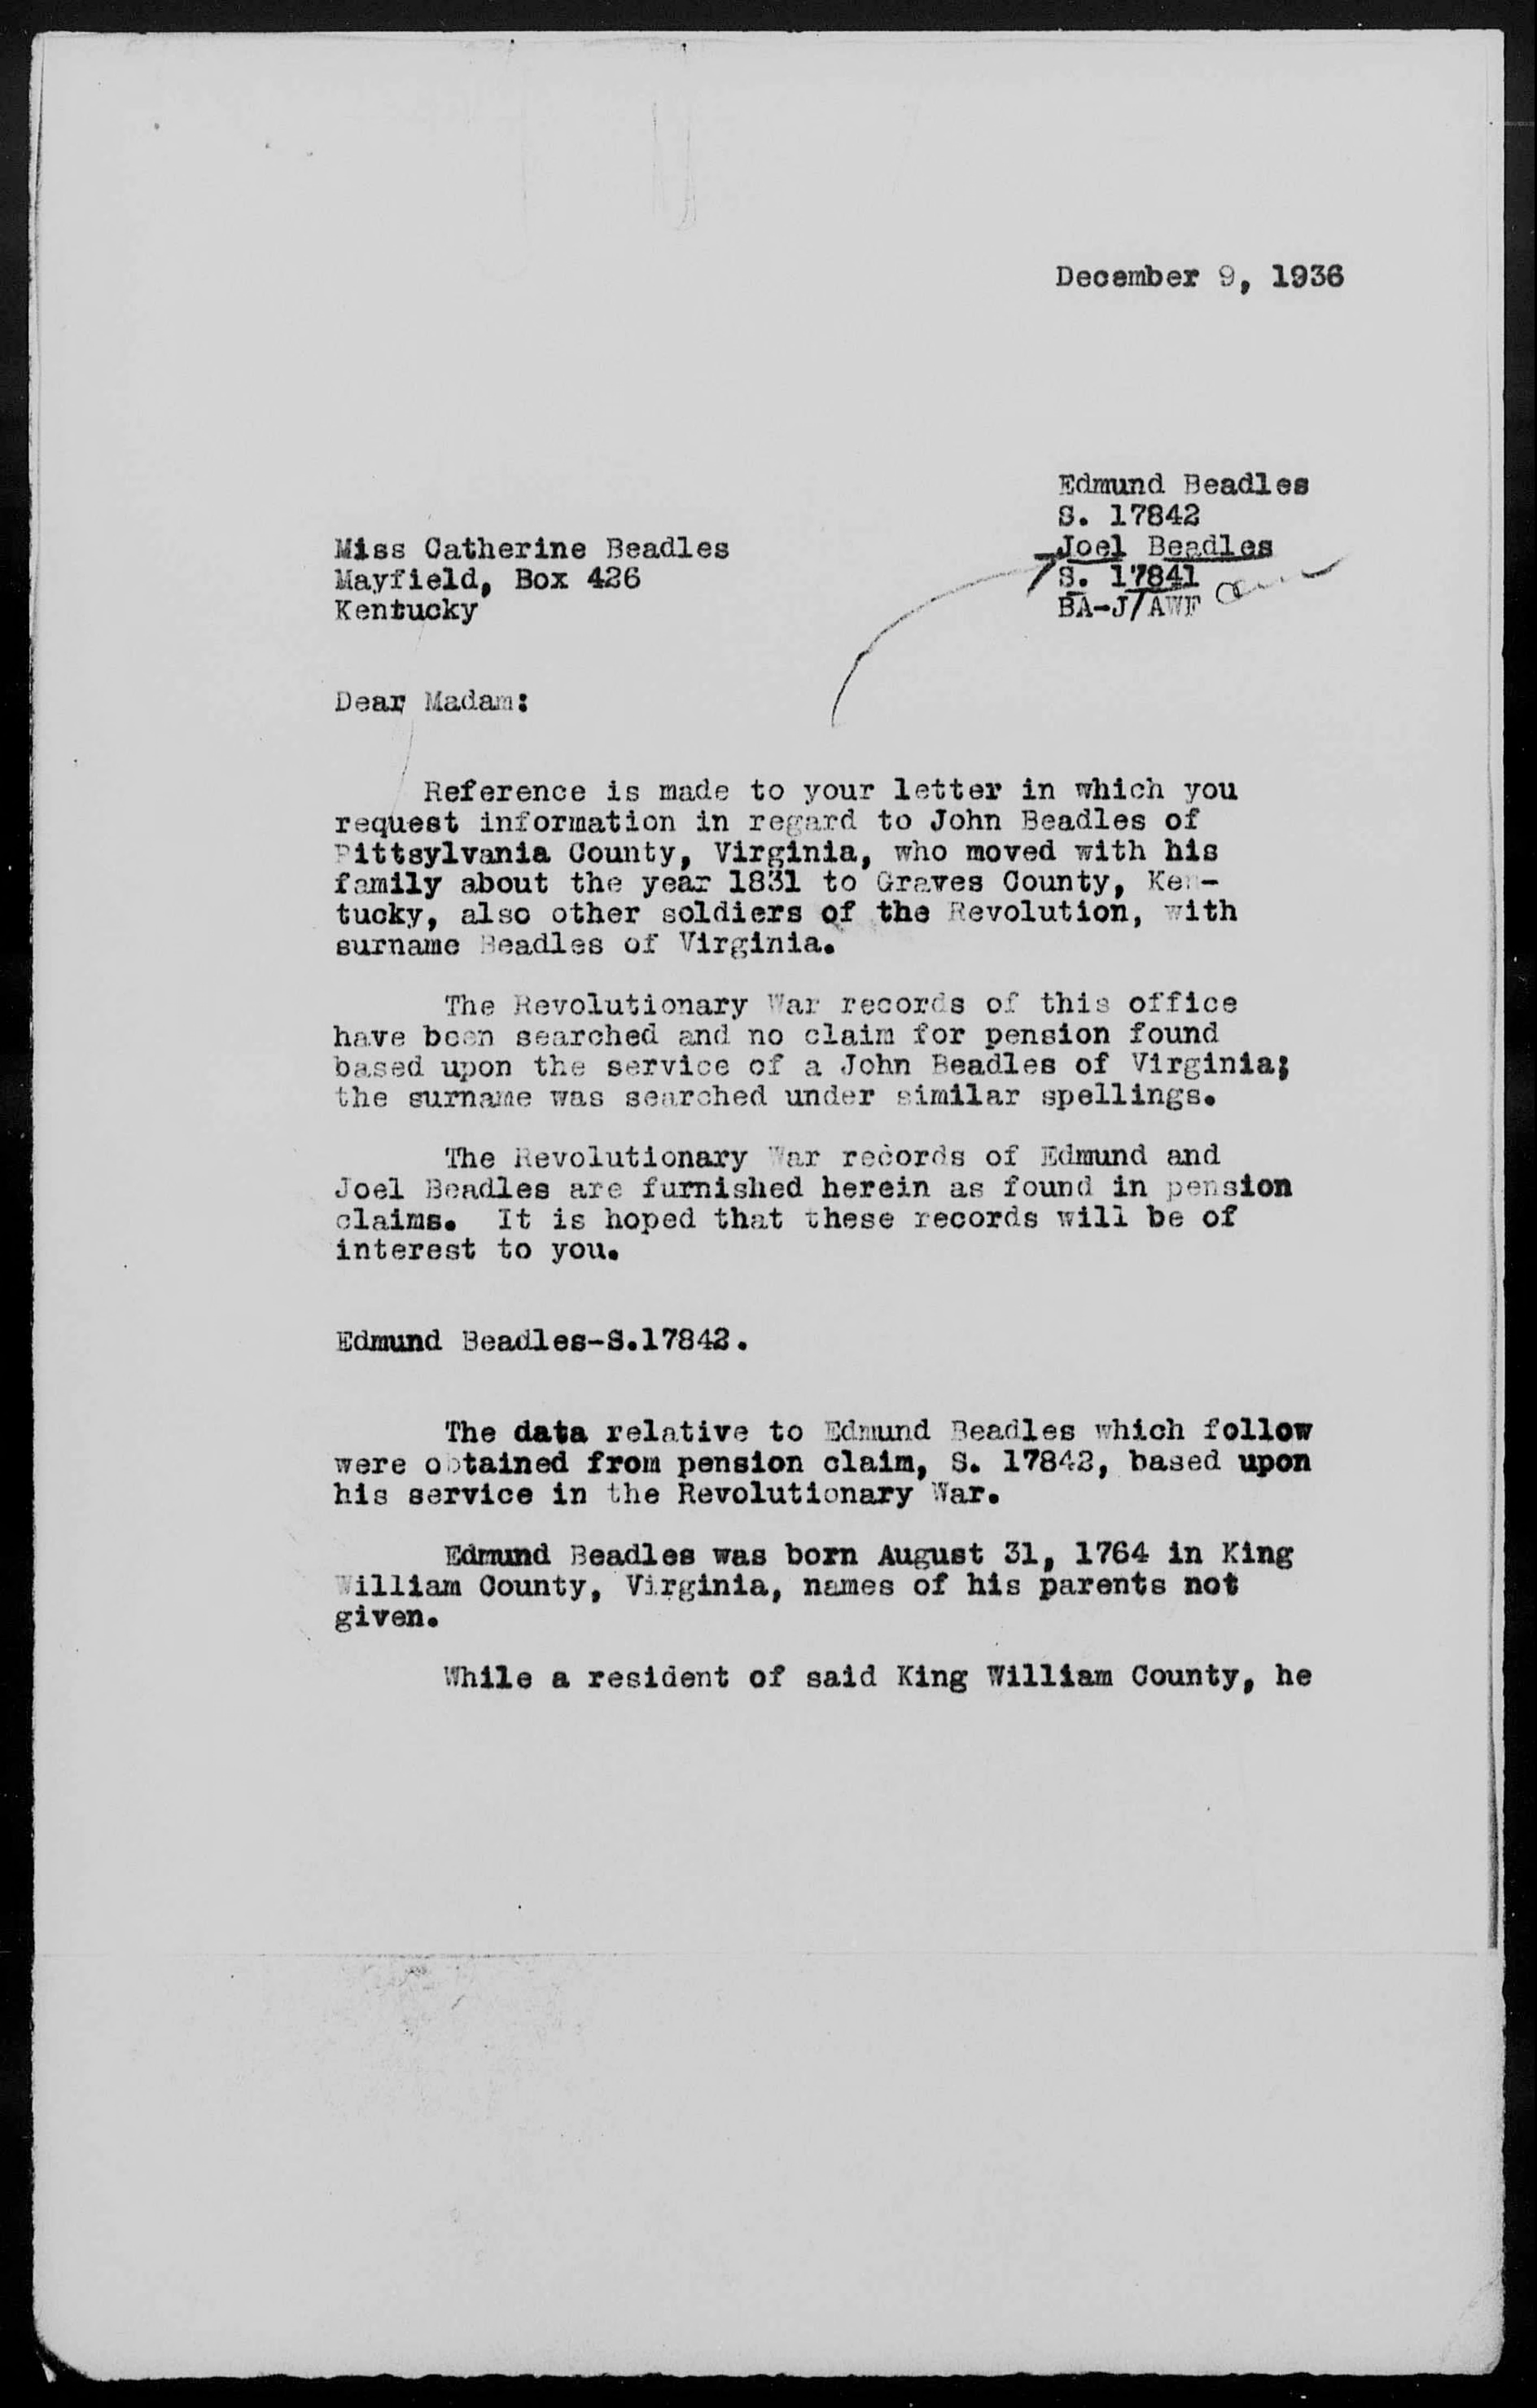December 9, 1936

Miss Catherine Beadles
Mayfield, Box 426
Kentucky

Edmund Beadles
S. 17842
Joel Beadles
S. 17841
BA-J/AWF

Dear Madam:

Reference is made to your letter in which you request information in regard to Joel Beadles of Pittsylvania County, Virginia, who moved with his family about the year 1831 to Graves County, Kentucky, also other soldiers of the Revolution, with surname Beadles of Virginia.

The Revolutionary War records of this office have been searched and no claim for pension found based upon the service of a John Beadles of Virginia' the surname was searched under similar spellings.

The Revolutionary War records of Edmund and Joel Beadles are furnished herein as found in pension claims. It is hoped that these records will be of interest to you.

Edmund Beadles - S. 17842.
The daa relative to Edmund Beadles which follow were obtained from pension claim, S. 17841, based upon his service in the Revolutionary War.

Edmun Beadles was born August 31, 1764 in King William County, Virginia names of his parents not given.

While a resident of said King William County, he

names: John Beadles, Beadles, Edmund Beadles, Edmund Beadles, Edmund Beadles, Joel Beadles, Catherine Beadles, Edmund Beadles, John Beadles, Joel Beadles, Edmund Beadles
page: 7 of 13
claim: survivor's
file: S. 17841, Joel Beadles, Va.